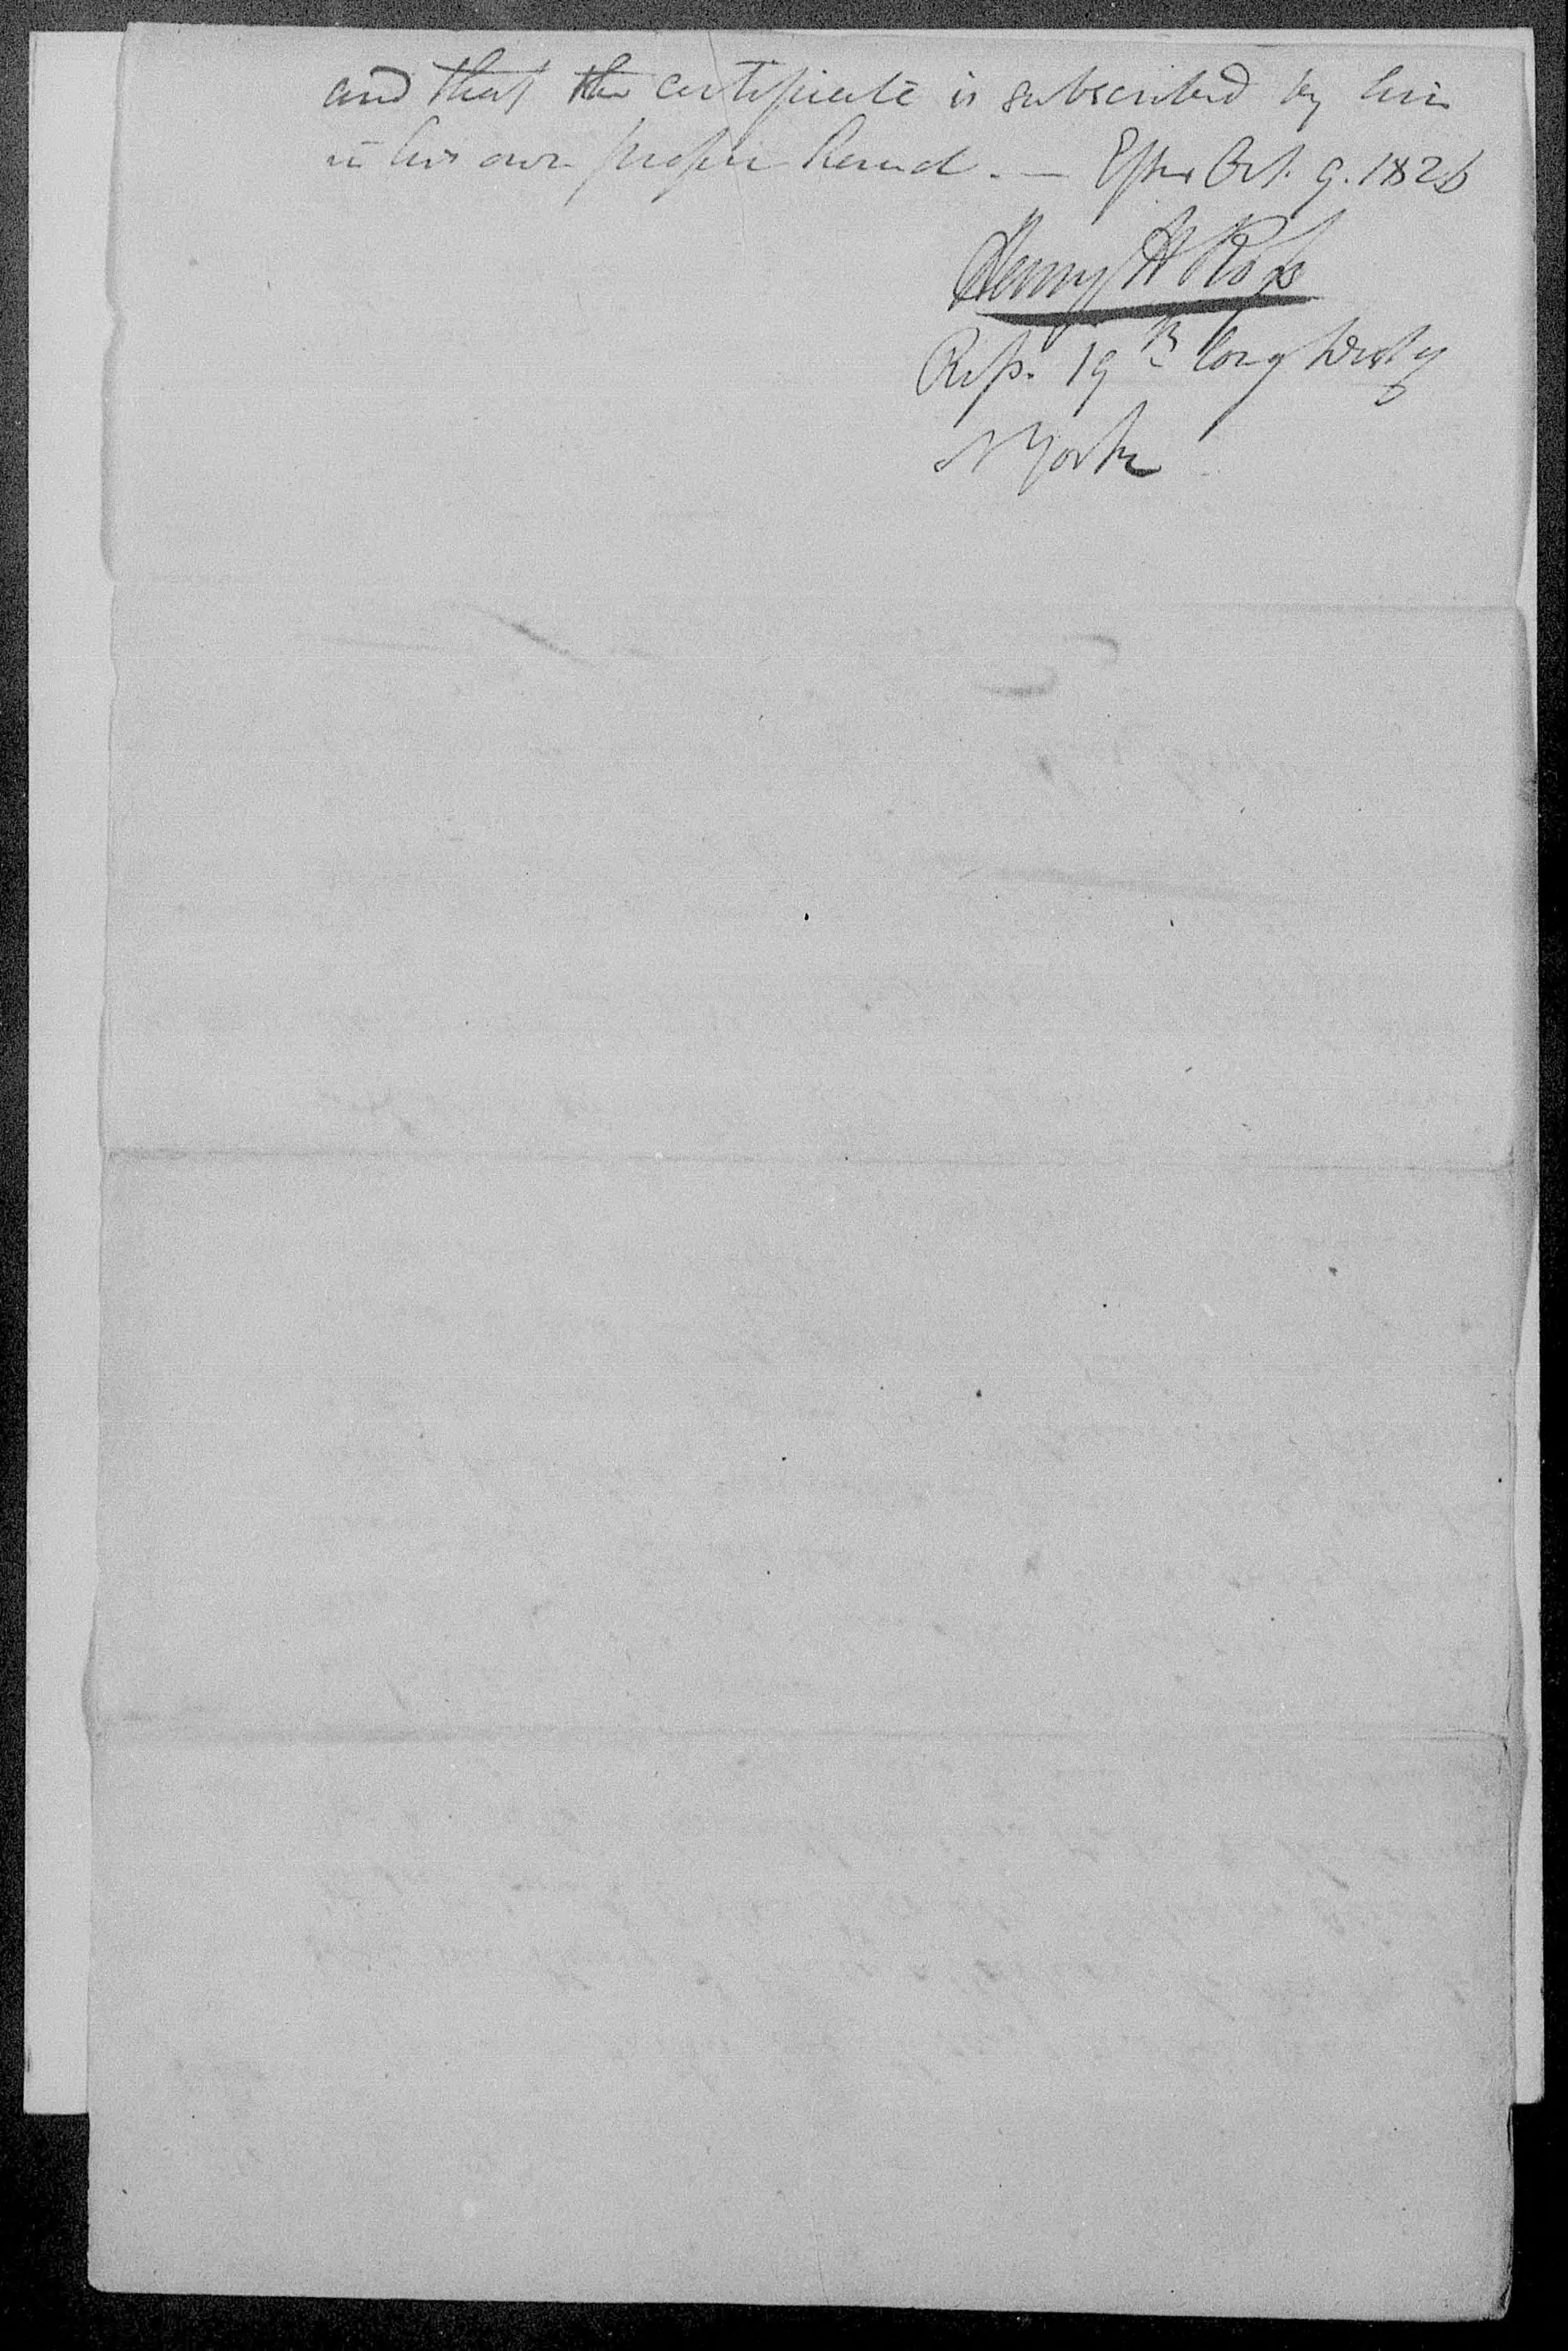and that the certificate is subscribed by her in his own proper hand - 
[unreadable]  Oct 9. 1826 
Henry H. Ross
Rep 19 [unreadable] N York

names: Henry H Ross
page: 47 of 51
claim: widow's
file: W. 1698, Oliver Barker, Conn.